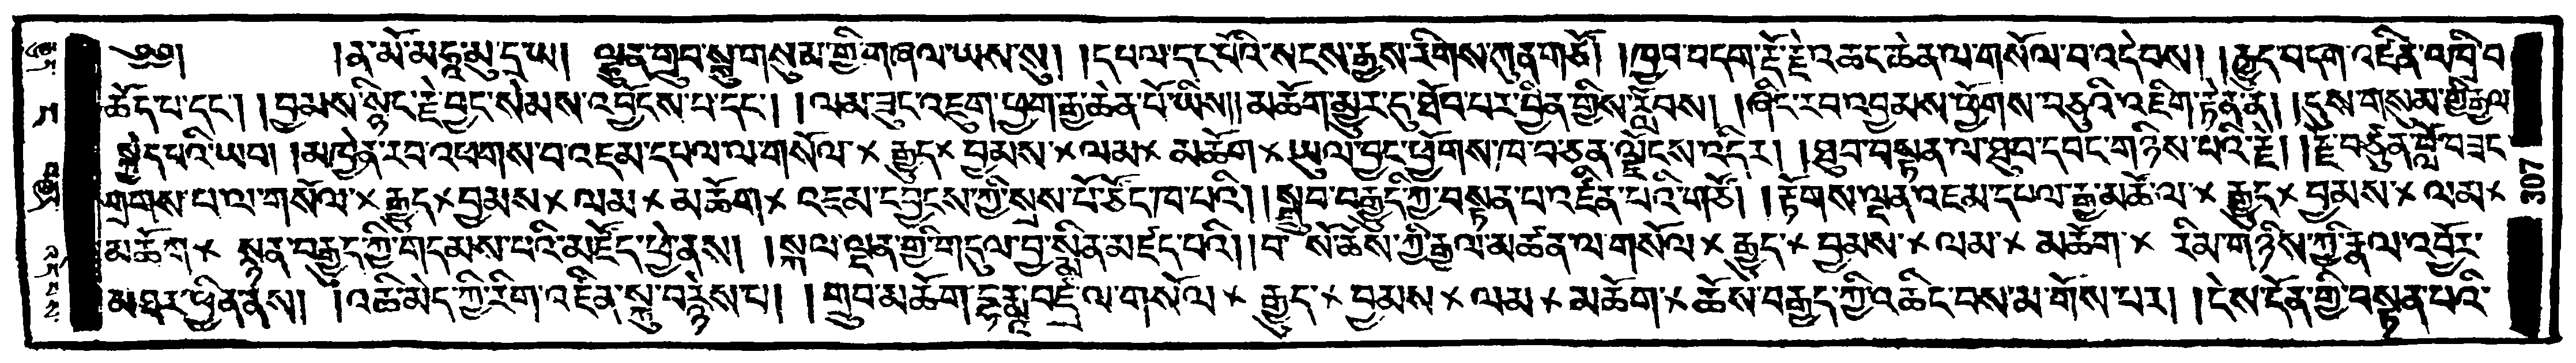༄༅། །ན་མོ་མཧཱ་མུ་དྲ་ཡ། ལྷུན་གྲུབ་སྐུ་གསུམ་གྱི་གཞལ་ཡས་སུ། །དཔལ་དང་པོའི་སངས་རྒྱས་རིགས་ཀུན་གཙོ། །ཁྱབ་བདག་རྡོ་རྗེ་འཆང་ཆེན་ལ་གསོལ་བ་འདེབས། །རྒྱུད་བདག་འཛིན་འཁྲི་བ་
ཆོད་པ་དང་། །བྱམས་སྙིང་རྗེ་བྱང་སེམས་འབྱོངས་པ་དང་། །ལམ་ཟུང་འཇུག་ཕྱག་རྒྱ་ཆེན་པོ་ཡིས། །མཆོག་མྱུར་དུ་ཐོབ་པར་བྱིན་གྱིས་རློབས། །ཞིང་རབ་འབྱམས་ཕྱོགས་བཅུའི་འཇིག་རྟེན་ན། །དུས་གསུམ་གྱི་རྒྱལ་
སྐྱེད་པའི་ཡབ། །མཁྱེན་རབ་འཕགས་པ་འཇམ་དཔལ་ལ་གསོལ་{྾}་རྒྱུད་{྾}་བྱམས་{྾}་ལམ་{྾}་མཆོག་{྾}་ཡུལ་བྱང་ཕྱོགས་ཁ་བ་ཅན་ལྗོངས་འདིར། །ཐུབ་བསྟན་ལ་ཐུབ་དབང་གཉིས་པའི་རྗེ། །རྗེ་བཙུན་བློ་བཟང་
གྲགས་པ་ལ་གསོལ་{྾}་རྒྱུད་{྾}་བྱམས་{྾}་ལམ་{྾}་མཆོག་{྾}་འཇམ་དབྱངས་ཀྱི་སྲས་པོ་ཙོང་ཁ་པའི། །སྒྲུབ་བརྒྱུད་ཀྱི་བསྟན་པ་འཛིན་པའི་གཙོ། །རྟོགས་ལྡན་འཇམ་དཔལ་རྒྱ་མཚོ་ལ་{྾}་རྒྱུད་{྾}་བྱམས་{྾}་ལམ་{྾}
མཆོག་{྾}་སྙན་བརྒྱུད་ཀྱི་གདམས་པའི་མཛོད་ཕྱེ་ནས། །སྐལ་ལྡན་གྱི་གདུལ་བྱ་སྨིན་མཛད་པའི། །བ་སོ་ཆོས་ཀྱི་རྒྱལ་མཚན་ལ་གསོལ་{྾}་རྒྱུད་{྾}་བྱམས་{྾}་ལམ་{྾}་མཆོག་{྾}་རིམ་གཉིས་ཀྱི་རྣལ་འབྱོར་
མཐར་ཕྱིན་ནས། །འཆི་མེད་ཀྱི་རིག་འཛིན་སྐུ་བརྙེས་པ། །གྲུབ་མཆོག་དྷརྨཱ་བྫྲ་ལ་གསོལ་{྾}་རྒྱུད་{྾}་བྱམས་{྾}་ལམ་{྾}་མཆོག་{྾}་ཆོས་བརྒྱད་ཀྱི་འཆིང་བས་མ་གོས་པར། །ངེས་དོན་གྱི་བསྟན་པའི་